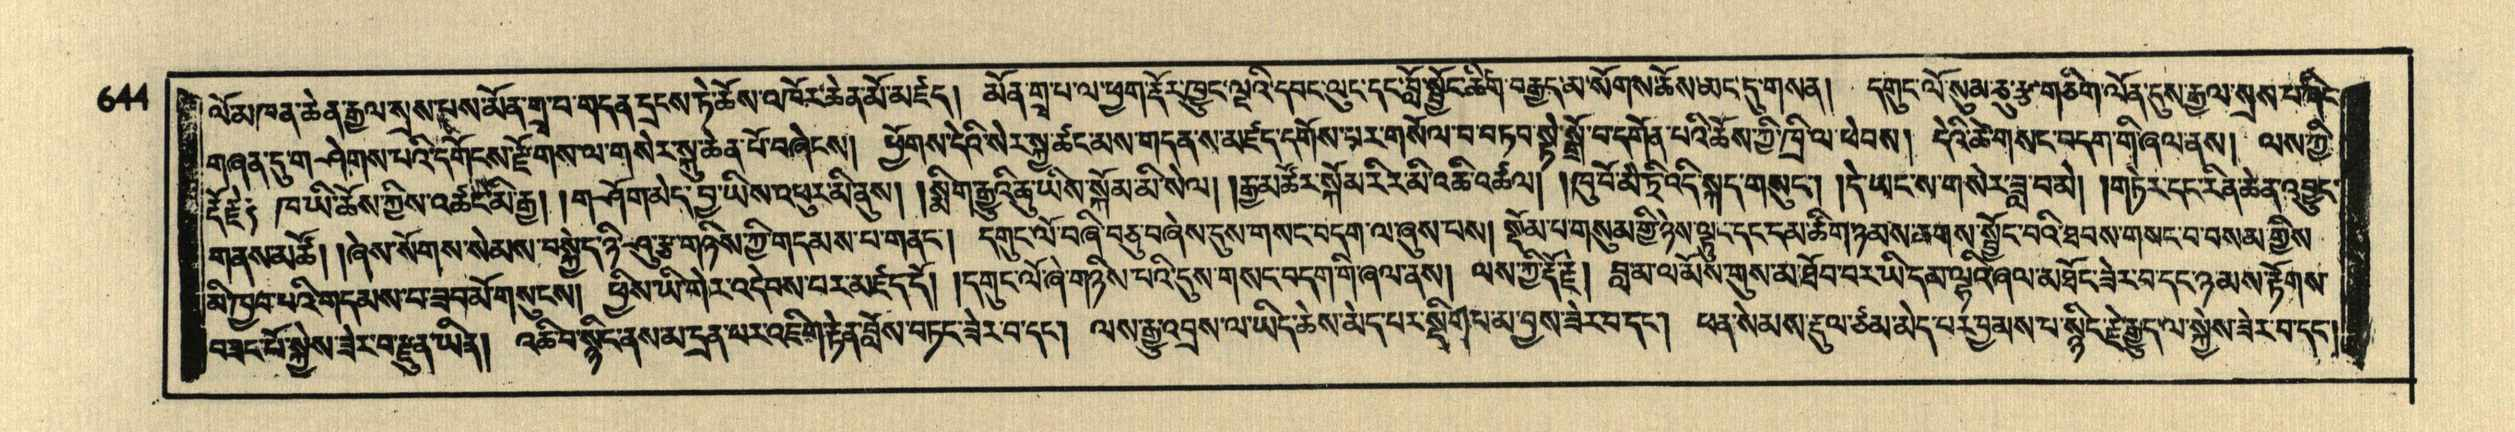ལོ་མཁན་ཆེན་རྒྱལ་སྲས་པས་མོན་གྲྭ་པ་གདན་དྲངས་ཏེ་ཆོས་འཁོར་ཆེན་མོ་མཛད། མོན་གྲྭ་པ་ལ་ཕྱག་རྡོར་ཁྱུང་ལྔའི་དབང་ལུང་དང་བློ་སྦྱོང་ཚིག་བརྒྱད་མ་སོགས་ཆོས་མང་དུ་གསན། དགུང་ལོ་སུམ་ཅུ་རྩ་གཅིག་ལོན་དུས་རྒྱལ་སྲས་པ་ཞིང་
གཞན་དུ་གཤེགས་པའི་དགོངས་རྫོགས་ལ་གསེར་སྐུ་ཆེན་པོ་བཞེངས། ཕྱོགས་དེའི་སེར་སྐྱ་ཚང་མས་གདན་ས་མཛད་དགོས་པར་གསོལ་བ་བཏབ་སྟེ་སྒྲོ་བ་དགོན་པའི་ཆོས་ཀྱི་ཁྲི་ལ་ཕེབས། དེའི་ཚེ་གསང་བདག་གི་ཞལ་ནས། ལས་ཀྱི་
རྡོ་རྗེ༑ ཁ་ཡི་ཆོས་ཀྱིས་འཚང་མི་རྒྱ། །གཤོག་མེད་བྱ་ཡིས་འཕུར་མི་ནུས། །སྨིག་རྒྱུའི་ཆུ་ཡིས་སྐོམ་མི་སེལ། །རྒྱ་མཚོར་སྐོམ་རིར་མི་འཆི་འཚལ། །ཁུ་བོ་མཻ་ཏྲི་འདི་སྐད་གསུང་། །དེ་ཡང་ས་གསེར་ཟླ་བ་མེ། །གཏེར་དང་རིན་ཆེན་འབྱུང་
གནས་མཚོ། །ཞེས་སོགས་སེམས་བསྐྱེད་ཉི་ཤུ་རྩ་གཉིས་ཀྱི་གདམས་པ་གནང་། དགུང་ལོ་བཞི་བཅུ་བཞེས་དུས་གསང་བདག་ལ་ཞུས་པས། སྡོམ་པ་གསུམ་གྱི་ཉེས་ལྟུང་དང་དམ་ཚིག་ཉམས་ཆགས་སྦྱོང་བའི་ཐབས་གསང་བ་བསམ་གྱིས་
མི་ཁྱབ་པའི་གདམས་པ་ཟབ་མོ་གསུངས། ཕྱིས་ཡི་གེར་འདེབས་པར་མཛད་དོ། །དགུང་ལོ་ཞེ་གཉིས་པའི་དུས་གསང་བདག་གི་ཞལ་ནས། ལས་ཀྱི་རྡོ་རྗེ། བླ་མ་ལ་མོས་གུས་མ་ཐོབ་བར་ཡི་དམ་ལྷའི་ཞལ་མཐོང་ཟེར་བ་དང་ཉམས་རྟོགས་
བཟང་པོ་སྐྱེས་ཟེར་བ་རྫུན་ཡིན། འཆི་བ་སྙིང་ནས་མ་དྲན་པར་འཇིག་རྟེན་བློས་བཏང་ཟེར་བ་དང་། ལས་རྒྱུ་འབྲས་ལ་ཡིད་ཆེས་མེད་པར་སྡིག་པ་མ་བྱས་ཟེར་བ་དང་། ཕན་སེམས་རྡུལ་ཙམ་མེད་པར་བྱམས་པ་སྙིང་རྗེ་རྒྱུད་ལ་སྐྱེས་ཟེར་བ་དང་།